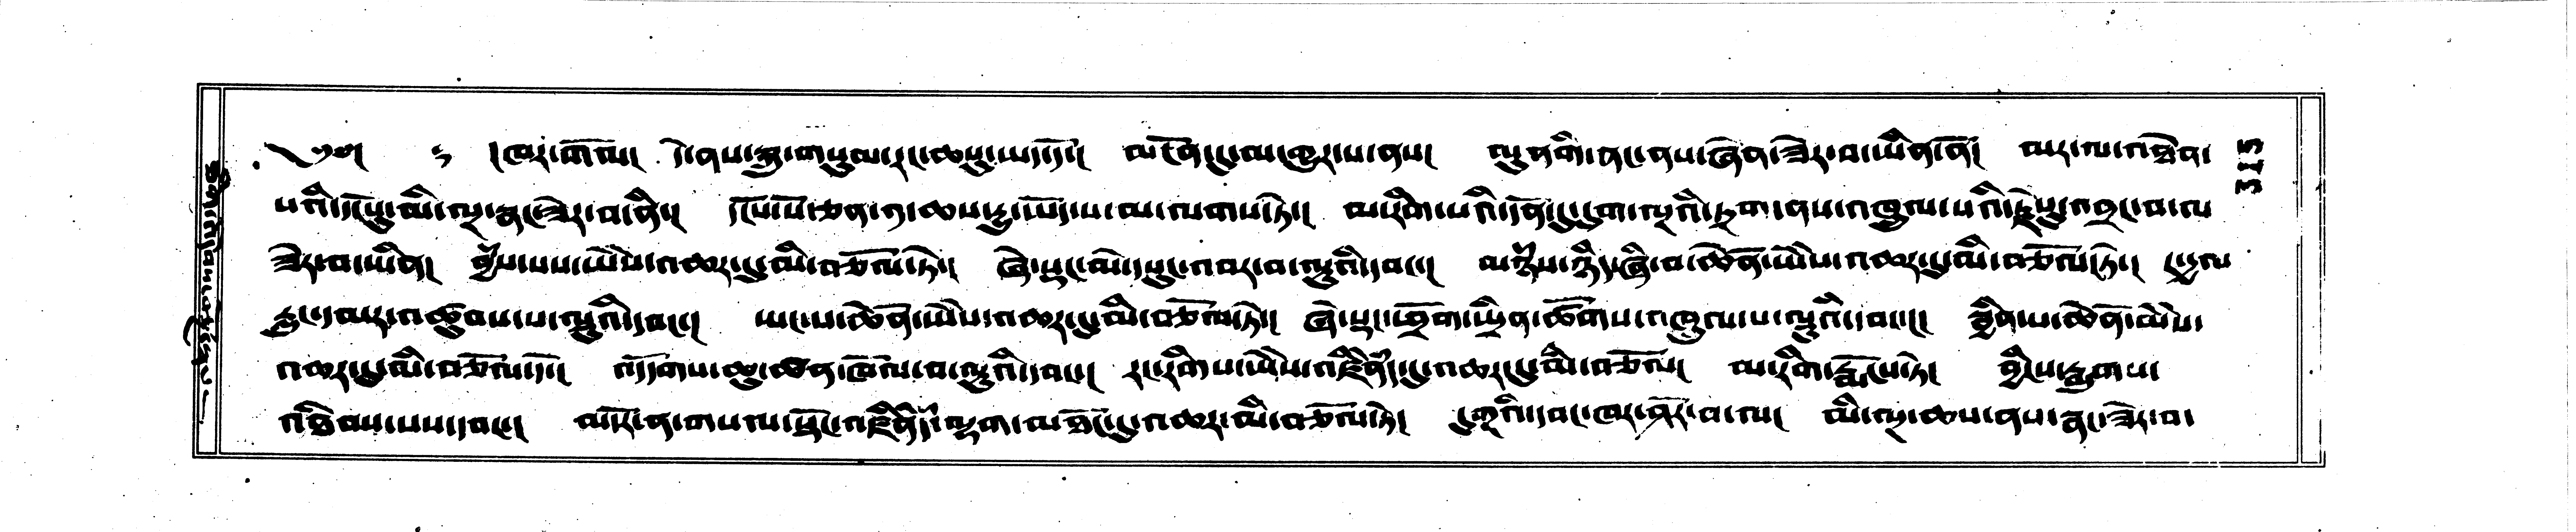ཁར་གོལ། དེ་ནས་སྐུ་གསུམ་རང་ཆས་སུ་ཡོད་སྟེ། མངོན་དུ་མ་གྱུར་པས། མུན་ནག་གི་ནང་ན་ཞེན་ཟེར་བ་ནི་དེ་ཡིན་ནོ། མར་ལ་འཐེན་
པའི་སྡོངས་སུ་མི་ལྔ་སྣང་ཟེར་བ་ནི། དངོས་པོ་ཅན་གཅིག་ཆས་རྒྱུ་ཡོད་པ་མ་ལགས་སྟེ། མ་རིག་པའི་དབང་གིས་དུག་ལྔ་ཁ་དྲག་ནས། འཁྲུལ་པའི་རྗེས་སུ་འབྲེང་པ་ལ་
ཟེར་བ་ཡིན། བྱམས་པའི་ཡེ་ཤེས་འཆར་དུ་མི་བཅོལ་སྟེ། ཞེ་སྡང་མེ་དཔུང་བྷར་(འབར)བ་ལྟ་བུའི་དབང་། མཉམ་ཉིད་ཆེན་པོའི་ཡེ་ཤེས་འཆར་དུ་མི་བཅོལ་ནས། ང་རྒྱལ་
རླུང་དམར་འཚུབ་པ་ལྟ་བུའི་དབང་། ཡངས་པ་ཆེན་པོའི་ཡེ་ཤེས་འཆར་དུ་མི་བཅོལ་ནས། འཕྲག་དོག་སྤྲིན་ཚོགས་འཁྲུགས་ལྟ་བུའི་དབང་། སྦྱིན་པ་ཆེན་པོའི་ཡེ་ཤེས་
འཆར་དུ་མི་བཅོལ་ནས། འདོད་ཆགས་ཆུ་ཚན་ཁོལ་བ་ལྟ་བུའི་དབང་། རང་རིག་ཡེ་ཤེས་འཛིན་མེད་དུ་འཆར་དུ་མི་བཅོལ་ནས། མ་རིག་རྨོངས་ཏེ་བྱིང་རྨུག་
འཐིབ་གསུམ་གྱིས་དབང་། མདོར་ན་གསལ་སྟོང་འཛིན་མེད་ལྷག་མཐོང་དུ་འཆར་མི་བཅོལ་ནས་དུག་ལྔའི་དབང་ཁར་ཤོར་བ་ལ། མི་ལྔ་ཆས་ནས་སྣང་ཟེར་བ་